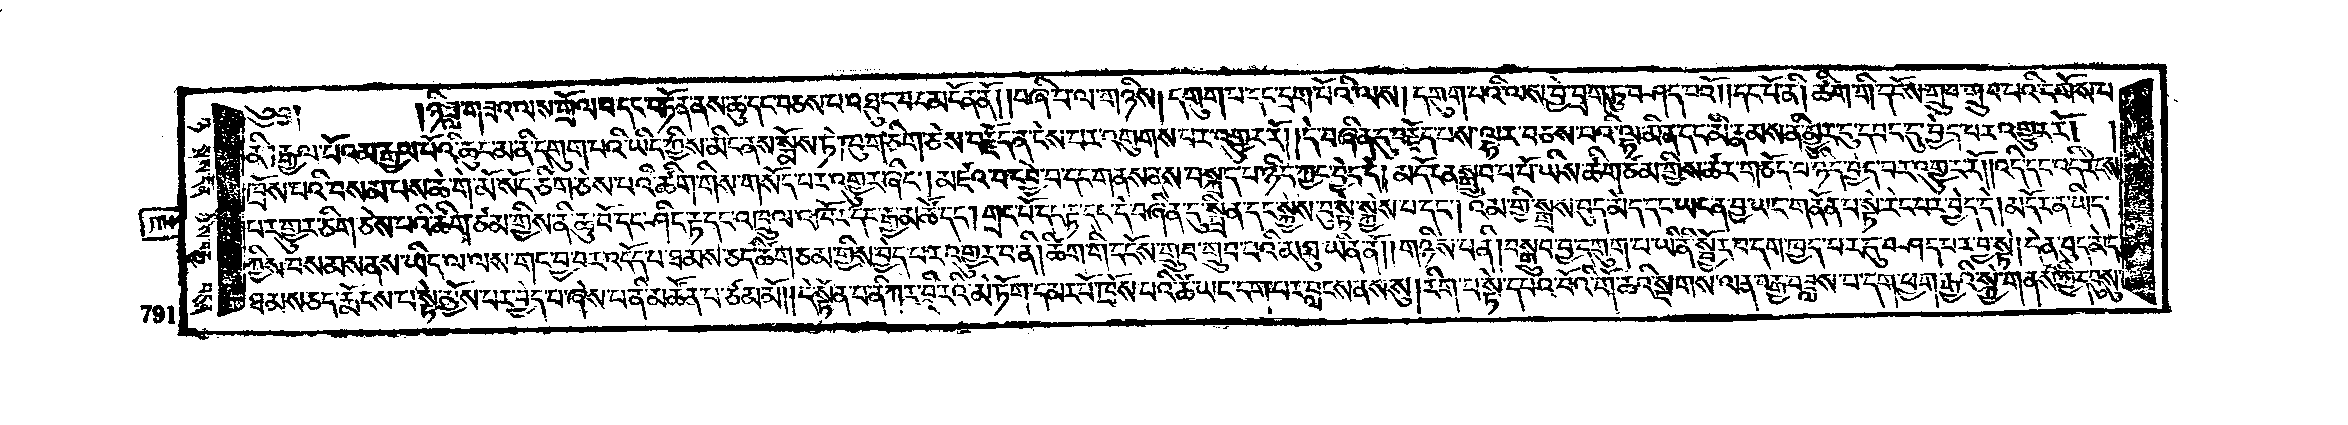༄༅། །ཉི་ཟླ་གཟའ་ལས་གྲོལ་བ་དང་བཏོན་ནས་ཆུ་དང་བཅས་པ་འཐུང་བར་མངོན་ནོ། །བཞི་པ་ལ་གཉིས། དགུག་པ་དང་དྲག་པོའི་ལས། དགུག་པའི་ལས་བྱེ་བྲག་ཏུ་བཤད་པའོ། །དང་པོ་ནི། ཚིག་གི་དངོས་གྲུབ་གྲུབ་པའི་དགོས་པ་
ནི། རྒྱལ་པོའམ་རྒྱལ་པོའི་ཆུང་མ་ནི་དགུག་པའི་ཡིད་ཀྱིས་མིང་ནས་སྨོས་ཏེ་ཁུག་ཅིག་ཅེས་བརྗོད་ན་ངེས་པར་འགུགས་པར་འགྱུར་རོ། །དེ་བཞིན་དུ་བརྗོད་པས་ལྷར་བཅས་པའི་ལྷ་མིན་དང་མི་རྣམས་ནི་མྱུར་དུ་དབང་དུ་བྱེད་པར་འགྱུར་རོ། །
ཁྲོས་པའི་བསམ་པས་ཆེ་གེ་མོ་སོད་ཅིག་ཅེས་པའི་ཚིག་གིས་གསོད་པར་འགྱུར་ཞིང་། མཛའ་བ་དབྱེ་བ་དང་གནས་ནས་བསྐྲད་པ་ཉིད་ཀྱང་བྱེད་དེ། མདོར་ན་སྒྲུབ་པ་པོ་ཡིས་ཚིག་ཙམ་གྱིས་ཚར་གཅོད་པ་ཉིད་བྱེད་པར་འགྱུར་རོ། །འདི་དང་འདི་རེངས་
པར་གྱུར་ཅིག་ཅེས་པའི་ཚིག་ཙམ་གྱིས་ནི་ཆུ་བོ་དང་ཤིང་རྟ་དང་འཁྲུལ་འཁོར་དང་རྒྱ་མཚོ་དང་། གླང་པོ་དང་རྟ་དང་དེ་བཞིན་དུ་སྤྲིན་དང་སྐྱེས་བུ་སྟེ་སྐྱེས་པ་དང་། འམ་གྱི་སྒྲས་བུད་མེད་དང་ཡང་ན་བྱ་ཡང་གནོན་པ་སྟེ་རེང་པར་བྱེད་དེ། མདོར་ན་ཡིད་
ཀྱིས་བསམས་ནས་ཡིད་ལ་ལས་གང་བྱ་བར་འདོད་པ་ཐམས་ཅད་ཚིག་ཙམ་གྱིས་བྱེད་པར་འགྱུར་བ་ནི། ཚིག་གི་དངོས་གྲུབ་གྲུབ་པའི་མཐུ་ཡིན་ནོ། །གཉིས་པ་ནི། བསྒྲུབ་བྱ་དགུག་པ་ཡི་ནི་སྦྱོར་བ་དག་ཁྱད་པར་དུ་བཤད་པར་བྱ་སྟེ། དེ་ན་བུད་མེད་
ཐམས་ཅད་རྨོངས་པ་སྟེ་མྱོས་པར་བྱེད་པ་ཞེས་པ་ནི་མཚོན་པ་ཙམ་མོ། །དེ་སྟོན་པ་ནི་ཀ་ར་བཱི་རའི་མེ་ཏོག་དམར་པོ་ཁྲོས་པའི་ཚེ་ཡང་དག་པར་བླངས་ནས་སུ། རིག་པ་སྟེ་དཔའ་བོའི་གོ་ཆའི་སྔགས་ལན་བརྒྱ་བཟླས་པ་དག་ཕྱག་རྒྱའི་སྐྱེ་གནས་ཀྱི་དབུས་སུ་